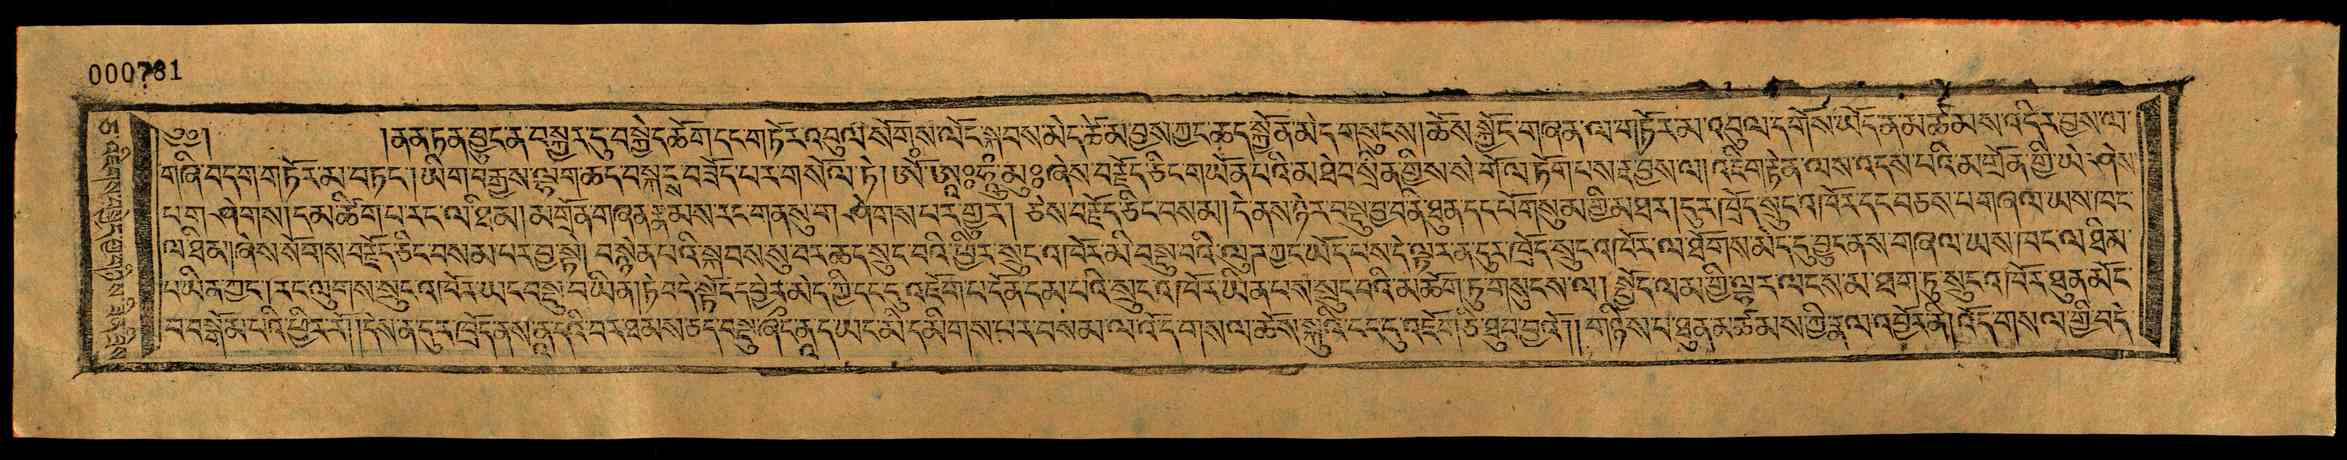༄༅། །ནན་ཏན་བྱུང་ན་བསྐྱར་དུ་བསྐྱེད་ཆོག་དང་གཏོར་འབུལ་སོགས་ལོང་སྐབས་མེད་ཚེ་མ་བྱས་ཀྱང་ཆད་སྐྱོན་མེད་གསུངས། ཆོས་སྐྱོང་གཞན་ལ་གཏོར་མ་འབུལ་དགོས་ཡོད་ན་མཚམས་འདིར་བྱས་ལ་
གཞི་བདག་གཏོར་མ་བཏང་། ཡིག་བརྒྱས་ལྷག་ཆད་བསྐངས་བཟོད་པར་གསོལ་ཏེ། ཨོཾ་ཨཱཿ ཧཱུཾ་མུཿ ཞེས་བརྗོད་ཅིང་གཡོན་པའི་མཐེབ་སྲིན་གྱིས་སེ་གོལ་ཏོག་པས་བརྡ་བྱས་ལ། འཇིག་རྟེན་ལས་འདས་པའི་མགྲོན་གྱི་ཡེ་ཤེས་
པ་གཤེགས། དམ་ཚིག་པ་རང་ལ་ཐིམ། མགྲོན་གཞན་རྣམས་རང་གནས་སུ་གཤེགས་པར་གྱུར། ཅེས་བརྗོད་ཅིང་བསམ། དེ་ནས་ཉེར་བསྡུ་བྱ་བ་ནི་ཐུན་དང་པོ་གསུམ་གྱི་མཐར། དུར་ཁྲོད་སྲུང་འཁོར་དང་བཅས་པ་གཞལ་ཡས་ཁང་
ལ་ཐིམ། ཞེས་སོགས་བརྗོད་ཅིང་བསམ་པར་བྱ་སྟེ། བསྙེན་པའི་སྐབས་སུ་བར་ཆད་སྲུང་བའི་ཕྱིར་སྲུང་འཁོར་མི་བསྡུ་བའི་ལུགས་ཀྱང་ཡོད་པས་དེ་ལྟར་ན་དུར་ཁྲོད་སྲུང་འཁོར་ལ་ཐོགས་མེད་དུ་བྱུང་ནས་གཞལ་ཡས་ཁང་ལ་ཐིམ་
པ་ཡིན་ཀྱང་། རང་ལུགས་སྲུང་འཁོར་ཡང་བསྡུ་བ་ཡིན་ཏེ་བདེ་སྟོང་དབྱེར་མེད་ཀྱི་ངང་དུ་འཇོག་པ་དོན་དམ་པའི་སྲུང་འཁོར་ཡིན་པས་སྲུང་བའི་མཆོག་ཏུ་གསུངས་ལ། སྤྱོད་ལམ་གྱི་ལྷར་ལངས་མ་ཐག་ཏུ་སྲུང་འཁོར་ཐུན་མོང་
པ་བསྒོམ་པའི་ཕྱིར་རོ། །དེས་ན་དུར་ཁྲོད་ནས་ནཱ་དའི་བར་ཐམས་ཅད་བསྡུ་ཞིང་ནཱ་ད་ཡང་མི་དམིགས་པར་བསམ་ལ་འོད་གསལ་ཆོས་སྐུའི་ངང་དུ་འཇོག་ཅི་ཐུབ་བྱའོ། །གཉིས་པ་ཐུན་མཚམས་ཀྱི་རྣལ་འབྱོར་ནི། འོད་གསལ་གྱི་བདེ་